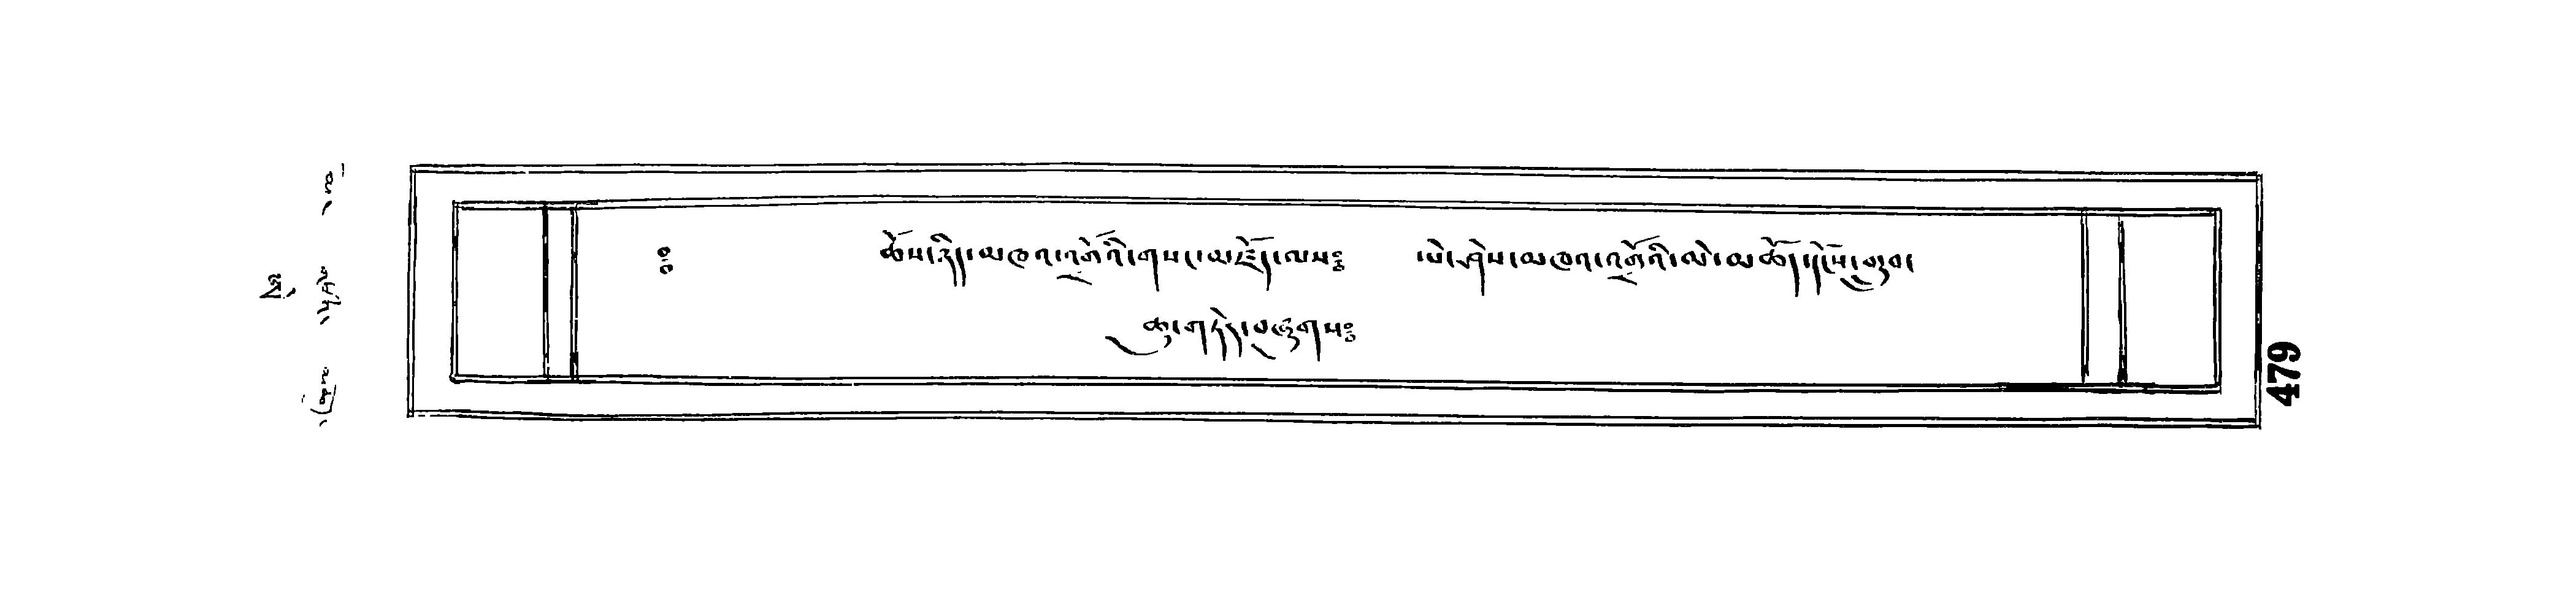ཆོས་ཉིད་མཁའ་འགྲོའི་གསང་མཛོད་ལས༔ ཡེ་ཤེས་མཁའ་འགྲོའི་མེ་མཆོད་དངོས་གྲུབ་
ཆུ་གཏེར་བཞུགས༔